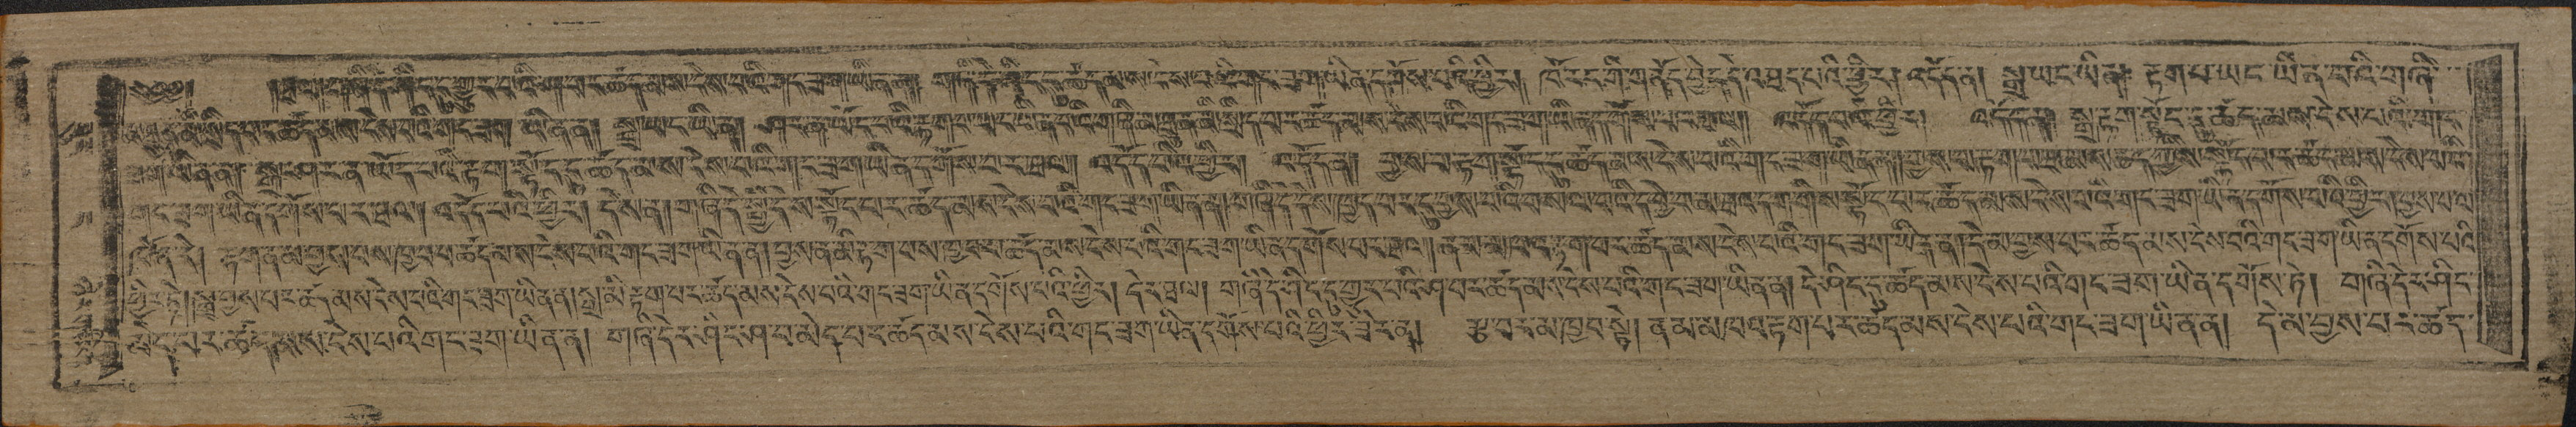༄༅། །ཐལ། གཞི་དེ་ཤིང་དུ་གྱུར་པའི་ཤ་བར་ཚད་མས་ངེས་པའི་གང་ཟག་ཡིན་ན། གཞི་དེ་ཤིང་དུ་ཚད་མས་ངེས་པའི་གང་ཟག་ཡིན་དགོས་པའི་ཕྱིར། ཁོ་རང་གི་གནོད་བྱེད་དེ་འཐད་པའི་ཕྱིར། འདོད་ན། སྒྲ་ཡང་ཡིན། རྟག་པ་ཡང་ཡིན་པའི་གཞི་
མཐུན་མི་སྲིད་པར་ཚད་མས་ངེས་པའི་གང་ཟག་ཡིན་ན། སྒྲ་ཡང་ཡིན། ཤར་ན་ཡོད་པའི་རྟག་པ་ཡང་ཡིན་པའི་གཞི་མཐུན་མི་སྲིད་པར་ཚད་མས་ངེས་པའི་གང་ཟག་ཡིན་དགོས་པར་ཐལ། འདོད་པའི་ཕྱིར། འདོད་ན། སྒྲ་རྟག་སྟོང་དུ་ཚད་མས་ངེས་པའི་གང་
ཟག་ཡིན་ན། སྒྲ་ཤར་ན་ཡོད་པའི་རྟག་སྟོང་དུ་ཚད་མས་ངེས་པའི་གང་ཟག་ཡིན་དགོས་པར་ཐལ། འདོད་པའི་ཕྱིར། འདོད་ན། བྱས་པ་རྟག་སྟོང་དུ་ཚད་མས་ངེས་པའི་གང་ཟག་ཡིན་ན། བྱས་པ་རྟག་པ་ཐམས་ཅད་ཀྱིས་སྟོང་པར་ཚད་མས་ངེས་པའི་
གང་ཟག་ཡིན་དགོས་པར་ཐལ། འདོད་པའི་ཕྱིར། དེས་ན། གཞི་དེ་སྤྱི་དེས་སྟོང་པར་ཚད་མས་ངེས་པའི་གང་ཟག་ཡིན་ན། གཞི་དེ་དེས་ཁྱད་པར་དུ་བྱས་པའི་བསལ་བའི་དབྱེ་བ་མཐའ་དག་གིས་སྟོང་པར་ཚད་མས་ངེས་པའི་གང་ཟག་ཡིན་དགོས་པའི་ཕྱིར། བྱས་པ་ལ་
ཁོ་ན་རེ། རྟག་ན་མ་བྱས་པས་ཁྱབ་པ་ཚད་མས་ངེས་པའི་གང་ཟག་ཡིན་ན། བྱས་ན་མི་རྟག་པས་ཁྱབ་པ་ཚད་མས་ངེས་པའི་གང་ཟག་ཡིན་དགོས་པར་ཐལ། ནམ་མཁའ་རྟག་པར་ཚད་མས་ངེས་པའི་གང་ཟག་ཡིན་ན། དེ་མ་བྱས་པར་ཚད་མས་ངེས་པའི་གང་ཟག་ཡིན་དགོས་པའ་
ཕྱིར་ཏེ། སྒྲ་བྱས་པར་ཚད་མས་ངེས་པའི་གང་ཟག་ཡིན་ན། སྒྲ་མི་རྟག་པར་ཚད་མས་ངེས་པའི་གང་ཟག་ཡིན་དགོས་པའི་ཕྱིར། དེར་ཐལ། གཞི་དེ་ཤིང་དུ་གྱུར་པའི་ཤ་བར་ཚད་མས་ངེས་པའི་གང་ཟག་ཡིན་ན། དེ་ཤིང་དུ་ཚད་མས་ངེས་པའི་གང་ཟག་ཡིན་དགོས་ཏེ། གཞི་དེར་ཤིང་
མེད་པར་ཚད་མས་ངེས་པའི་གང་ཟག་ཡིན་ན། གཞི་དེར་ཤིང་ཤ་བ་མེད་པར་ཚད་མས་ངེས་པའི་གང་ཟག་ཡིན་དགོས་པའི་ཕྱིར་ཟེར་ན། རྩ་བར་མ་ཁྱབ་སྟེ། ནམ་མཁའ་རྟག་པར་ཚད་མས་ངེས་པའི་གང་ཟག་ཡིན་ན། དེ་མ་བྱས་པར་ཚད་